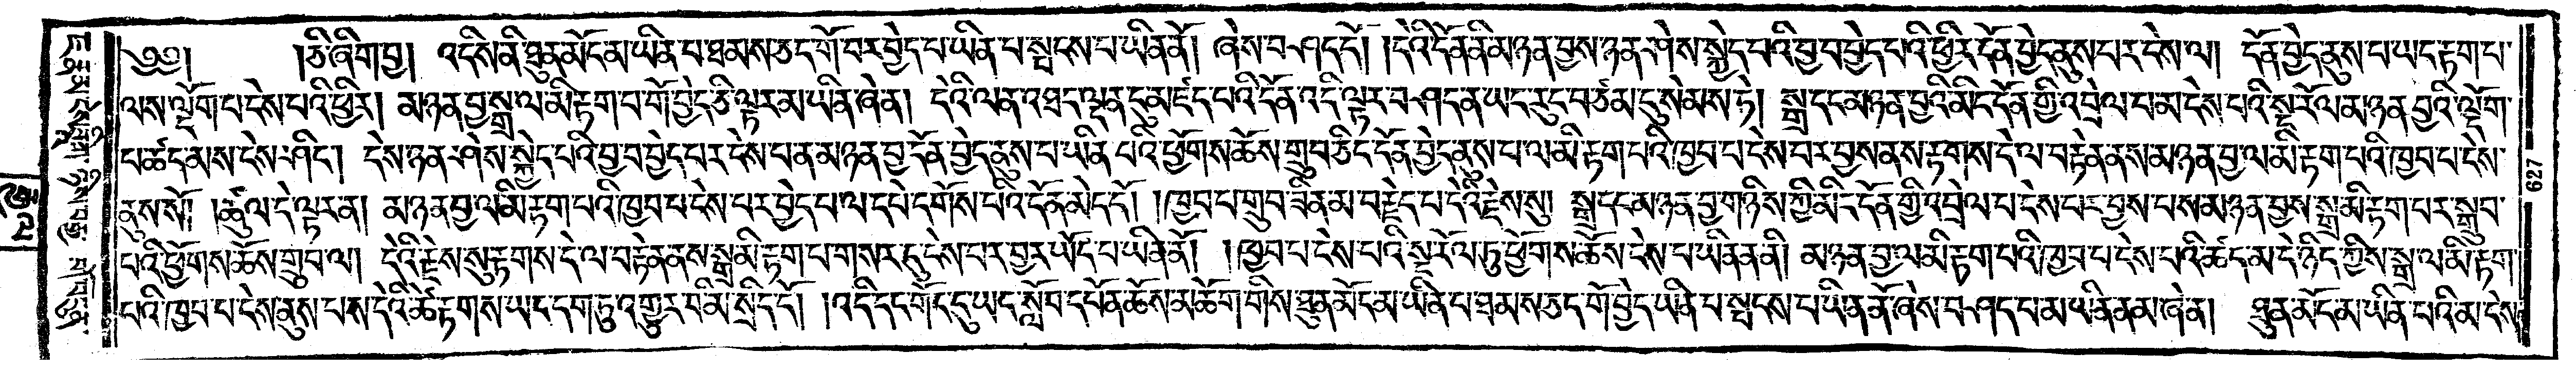༄༅། །ཅི་ཞིག་བྱ། འདིས་ནི་ཐུན་མོང་མ་ཡིན་པ་ཐམས་ཅད་གོ་བར་བྱེད་པ་ཡིན་པ་སྤངས་པ་ཡིན་ནོ། ཞེས་བཤད་དོ། །དེའི་དོན་ནི་མཉན་བྱས་ཉན་ཤེས་སྐྱེད་པའི་བྱ་བ་བྱེད་པའི་ཕྱིར་དོན་བྱེད་ནུས་པར་ངེས་ལ། དོན་བྱེད་ནུས་པ་ཡང་རྟག་པ་
ལས་ལྡོག་པ་ངེས་པའི་ཕྱིར། མཉན་བྱ་སྒྲ་ལ་མི་རྟག་པ་གོ་བྱེད་ཅི་ལྟར་མ་ཡིན་ཞེ་ན། དེའི་ལན་འཐད་ལྡན་དུ་མཛད་པའི་དོན་འདི་ལྟར་བཤད་ན་ཡང་རུང་བ་ཙམ་དུ་སེམས་ཏེ། སྒྲ་དང་མཉན་བྱའི་མིང་དོན་གྱི་འབྲེལ་པ་མ་ངེས་པའི་སྔ་རོལ་མཉན་བྱའི་ལྡོག་
པ་ཚད་མས་ངེས་ཤིང་། དེས་ཉན་ཤེས་སྐྱེད་པའི་བྱ་བ་བྱེད་པར་ངེས་པ་ན་མཉན་བྱ་དོན་བྱེད་ནུས་པ་ཡིན་པའི་ཕྱོགས་ཆོས་གྲུབ་ཅིང་དོན་བྱེད་ནུས་པ་ལ་མི་རྟག་པའི་ཁྱབ་པ་ངེས་པར་བྱས་ནས་རྟགས་དེ་ལ་བརྟེན་ནས་མཉན་བྱ་ལ་མི་རྟག་པའི་ཁྱབ་པ་ངེས་
ནུས་སོ། །ཚུལ་དེ་ལྟར་ན། མཉན་བྱ་ལ་མི་རྟག་པའི་ཁྱབ་པ་ངེས་པར་བྱེད་པ་ལ་དཔེ་དགོས་པའི་དོན་མེད་དོ། །ཁྱབ་པ་གྲུབ་ཟིན་མ་བརྗེད་པ་དེའི་རྗེས་སུ། སྒྲ་དང་མཉན་བྱ་གཉིས་ཀྱི་མིང་དོན་གྱི་འབྲེལ་པ་ངེས་པར་བྱས་པས་མཉན་བྱས་སྒྲ་མི་རྟག་པར་སྒྲུབ་
པའི་ཕྱོགས་ཆོས་གྲུབ་ལ། དེའི་རྗེས་སུ་རྟགས་དེ་ལ་བརྟེན་ནས་སྒྲ་མི་རྟག་པ་གསར་དུ་ངེས་པར་བྱར་ཡོད་པ་ཡིན་ནོ། །ཁྱབ་པ་ངེས་པའི་སྔ་རོལ་ཏུ་ཕྱོགས་ཆོས་ངེས་པ་ཡིན་ན་ནི། མཉན་བྱ་ལ་མི་རྟག་པའི་ཁྱབ་པ་ངེས་པའི་ཚད་མ་དེ་ཉིད་ཀྱིས་སྒྲ་ལ་མི་རྟག་
པའི་ཁྱབ་པ་ངེས་ནུས་པས་དེའི་ཚེ་རྟགས་ཡང་དག་ཏུ་འགྱུར་བ་མི་སྲིད་དོ། །འདི་དང་གོང་དུ་ཡང་སློབ་དཔོན་ཆོས་མཆོག་གིས་ཐུན་མོང་མ་ཡིན་པ་ཐམས་ཅད་གོ་བྱེད་ཡིན་པ་སྤངས་པ་ཡིན་ནོ་ཞེས་བཤད་པ་མ་ཡིན་ནམ་ཞེ་ན། ཐུན་མོང་མ་ཡིན་པའི་མ་ངེས་